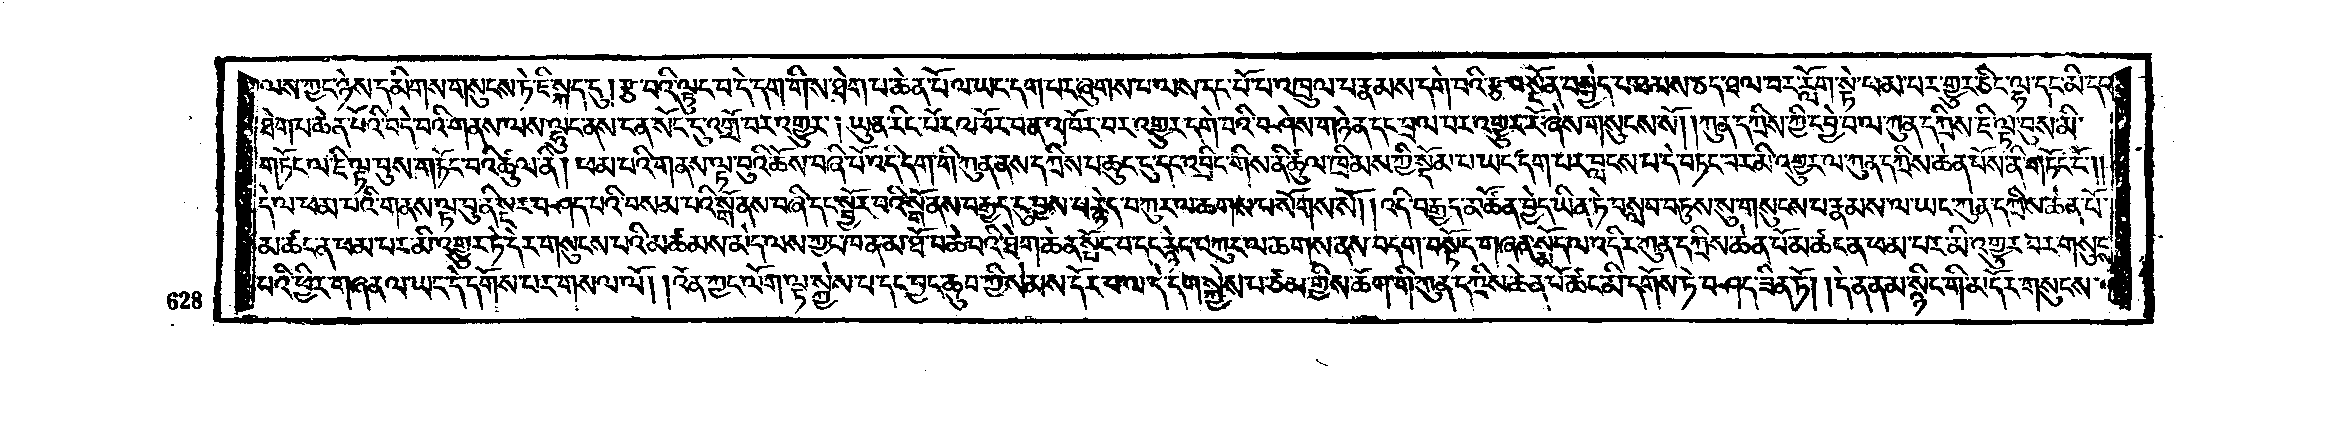ལས་ཀྱང་ཉེས་དམིགས་གསུངས་ཏེ་ཇི་སྐད་དུ། རྩ་བའི་ལྟུང་བ་དེ་དག་གི་ས་ཐེག་པ་ཆེན་པོ་ལ་ཡང་དག་པར་ཞུགས་པ་ལས་དང་པོ་པ་འཁྲུལ་པ་རྣམས་དགེ་བའི་རྩ་བསྔོན་བསྐྱེད་པ་ཐམས་ཅད་ཐལ་བར་རློག་སྟེ་ཕམ་པར་གྱུར་ཅིང་ལྷ་དང་མི་དང་
ཐེག་པ་ཆེན་པོའི་བདེ་བའི་གནས་ལས་ལྷུང་ནས་ངན་སོང་དུ་འགྲོ་བར་འགྱུར༑ ཡུན་རིང་པོར་འཁོར་བ་ན་འཁོར་བར་འགྱུར་དགེ་བའི་བཤེས་གཉེན་དང་བྲལ་བར་འགྱུར་རོ་ཞེས་གསུངས་སོ། །ཀུན་དཀྲིས་ཀྱི་དབྱེ་བ་ལ་ཀུན་དཀྲིས་ཇི་ལྟ་བུས་མི་
གཏོང་ལ་ཇི་ལྟ་བུས་གཏོང་བའི་ཚུལ་ནི། ཕམ་པའི་གནས་ལྟ་བུའི་ཆོས་བཞི་པོ་འདི་དག་གི་ཀུན་ནས་དཀྲིས་པ་ཆུང་ངུ་དང་འབྲིང་གིས་ནི་ཚུལ་ཁྲིམས་ཀྱི་སྡོམ་པ་ཡང་དག་པར་བླངས་པ་དེ་བཏང་བར་མི་འགྱུར་ལ་ཀུན་དཀྲིས་ཆེན་པོས་ནི་གཏོང་ངོ།།
དེ་ལ་ཕམ་པའི་གནས་ལྟ་བུ་ནི་སྔར་བཤད་པའི་བསམ་པའི་སྒོ་ནས་བཞི་དང་སྦྱོར་བའི་སྒོ་ནས་བརྒྱད་དུ་བྱས་པ་རྙེད་བཀུར་ལ་ཆགས་པ་སོགས་སོ། །འདི་བརྒྱད་མཚོན་བྱེད་ཡིན་ཏེ་བསླབ་བཏུས་སུ་གསུངས་པ་རྣམས་ལ་ཡང་ཀུན་དཀྲིས་ཆེན་པོ་
མ་ཚང་ན་ཕམ་པར་མི་འགྱུར་ཏེ་དེར་གསུངས་པའི་མཚམས་མེད་ལས་ཀྱང་ཁ་ན་མ་ཐོ་བ་ཆེ་བའི་ཐེག་ཆེན་སྤོང་བ་དང་རྙེད་བཀུར་ལ་ཆགས་ནས་བདག་བསྟོད་གཞན་སྨོད་ལ་འདིར་ཀུན་དཀྲིས་ཆེན་པོ་མ་ཚང་ན་ཕམ་པར་མི་འགྱུར་བར་གསུངས་
པའི་ཕྱིར་གཞན་ལ་ཡང་དེ་དགོས་པར་གསལ་ལོ། །འོན་ཀྱང་ལོག་ལྟ་སྐྱེས་པ་དང་བྱང་ཆུབ་ཀྱི་སེམས་དོར་བ་ལ་དེ་དག་སྐྱེས་པ་ཙམ་གྱིས་ཆོག་གི་ཀུན་དཀྲིས་ཆེན་པོ་ཚང་མི་དགོས་ཏེ་བཤད་ཟིན་ཏོ། །དེ་ན་ནམ་སྙིང་གི་མདོར་གསུངས་